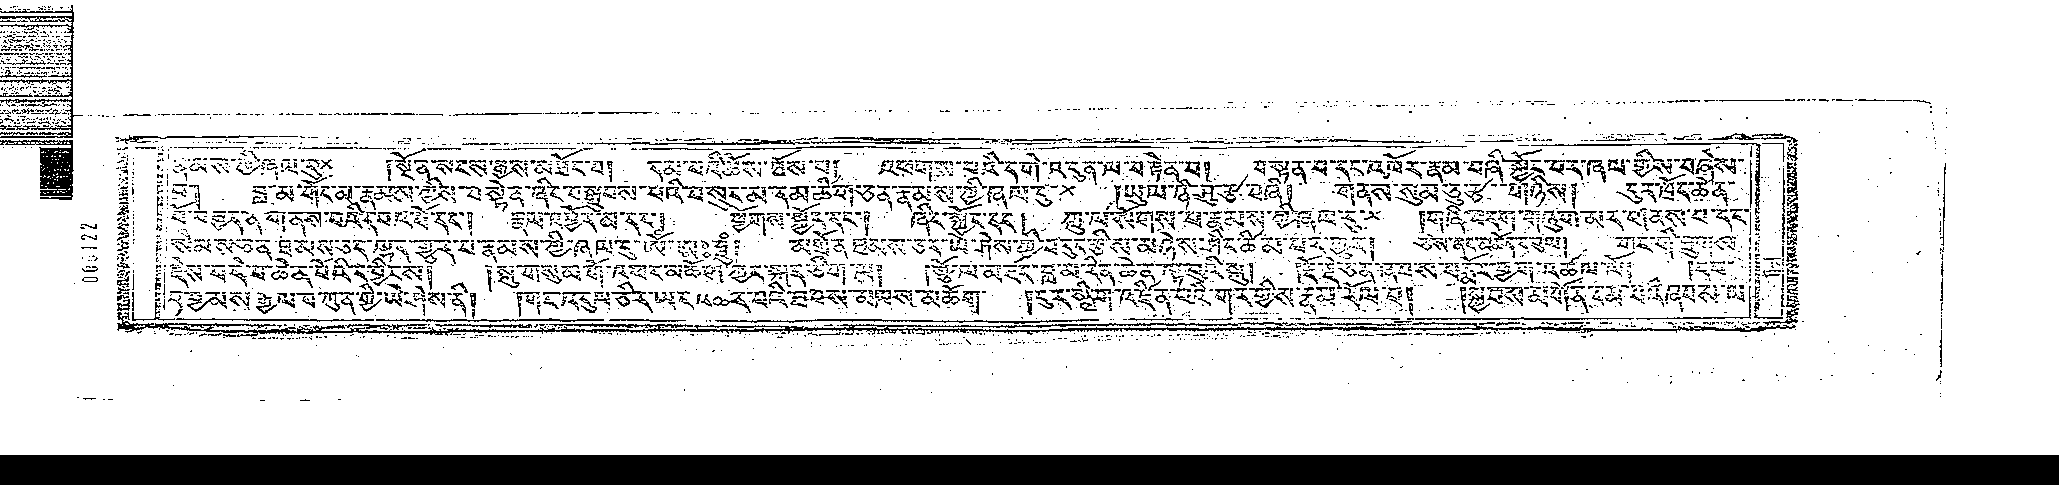རྣམས་ཀྱི་ཞལ་དུ་྾་།སྔོན་སངས་རྒྱས་མཐོང་བ། དམ་པའི་ཆོས་ཐོས་པ། འཕགས་པའི་དགེ་འདུན་ལ་བརྟེན་པ། བསྟན་པ་དང་འཁོར་རྣམ་བཞི་སྐྱོང་བར་ཞལ་གྱིས་བཞེས་
པ། བླ་མ་གོང་མ་རྣམས་ཀྱིས་བསྟེན་ཞིང་བསྒྲུབས་པའི་བསྲུང་མ་དམ་ཚིག་ཅན་རྣམས་ཀྱི་ཞལ་དུ་྾་།ཡུལ་ཉི་ཤུ་རྩ་བཞི། གནས་སུམ་ཅུ་རྩ་གཉིས། དུར་ཁྲོད་ཆེན་
པོ་བརྒྱད་ན་གནས་པའི་དཔའ་བོ་དང་། རྣལ་འབྱོར་མ་དང་། ཕྱོགས་སྐྱོང་དང་། ཞིང་སྐྱོང་དང་། ཀླུ་ལ་སོགས་པ་རྣམས་ཀྱི་ཞལ་དུ་྾་།གཞི་བདག་གཉུག་མར་གནས་པ་དང་
སེམས་ཅན་ཐམས་ཅད་ལྷར་གྱུར་པ་རྣམས་ཀྱི་ཞལ་དུ་ཨོཾ་ཨཱཿ་ཧཱུཾ། མགྲོན་ཐམས་ཅད་ཡེ་ཤེས་ཀྱི་བདུད་རྩིས་མཉེས་ཤིང་ཚིམ་པར་གྱུར། ཅེས་ནང་མཆོད་དབུལ། གང་གི་ཐུགས་
རྗེས་བདེ་བ་ཆེན་པོའི་དབྱིངས། །སྐུ་གསུམ་གོ་འཕང་མཆོག་ཀྱང་སྐད་ཅིག་ལ། །སྩོལ་མཛད་བླ་མ་རིན་ཆེན་ལྟ་བུའི་སྐུ། །རྡོ་རྗེ་ཅན་ཞབས་པདམོར་ཕྱག་འཚལ་ལོ། །རབ་
འབྱམས་རྒྱལ་བ་ཀུན་གྱི་ཡེ་ཤེས་ནི། །གང་འདུལ་ཅིར་ཡང་འཆར་བའི་ཐབས་མཁས་མཆོག །དུར་སྨིག་འཛིན་པའི་གར་གྱིས་རྣམ་རོལ་བ། །སྐྱབས་མགོན་དམ་པའི་ཞབས་ལ་